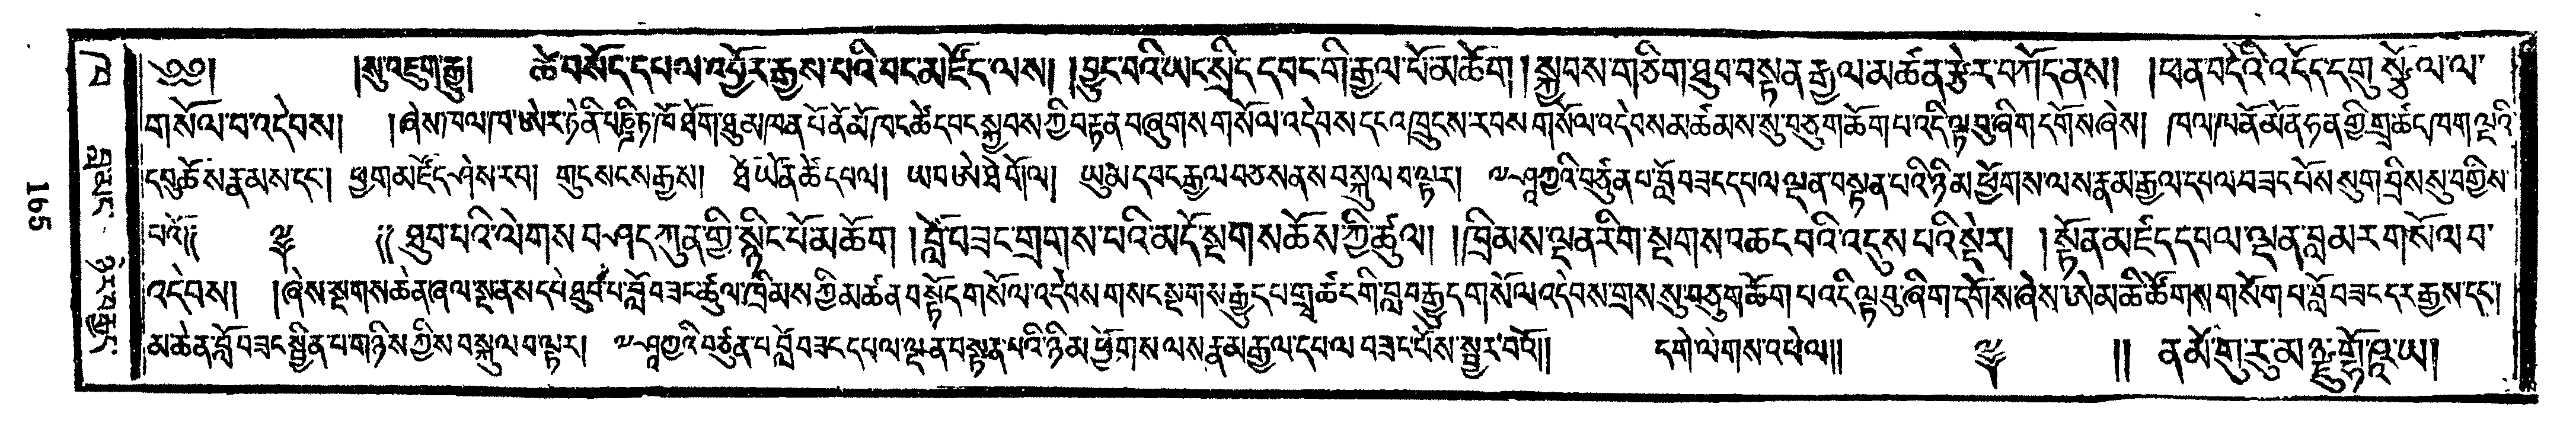༄༅། །སུ་འཇུག་རྒྱུ། ཚེ་བསོད་དཔལ་འབྱོར་རྒྱས་པའི་བང་མཛོད་ལས། །བྱུང་བའི་ཡང་སྲིད་དབང་གི་རྒྱལ་པོ་མཆོག །སྐྱབས་གཅིག་ཐུབ་བསྟན་རྒྱལ་མཚན་རྩེར་བཀོད་ནས། །ཕན་བདེའི་འདོད་དགུ་སྩོལ་ལ་
གསོལ་བ་འདེབས། །ཞེས་ཁལ་ཁ་ཨེར་ཏེ་ནི་པཎྜི་ཏ་ཁོ་ཐོག་ཐུ་མཁན་པོ་ནོ་མོ་ཁང་ཚེ་དབང་སྐྱབས་ཀྱི་བརྟན་བཞུགས་གསོལ་འདེབས་དང་འཁྲུངས་རབས་གསོལ་འདེབས་མཚམས་སུ་བཅུག་ཆོག་པ་འདི་ལྟ་བུ་ཞིག་དགོས་ཞེས། ཁལ་ཁ་ནོ་མོན་ཧན་གྱི་གྲྭ་ཚང་ཁག་ལྔའི་
དབུ་ཆོས་རྣམས་དང་། ཕྱག་མཛོད་ཤེས་རབ། གུང་སངས་རྒྱས། ཐོ་ཡོན་ཚེ་དཔལ། ཡབ་ཨེ་ཐེ་གོལ། ཡུམ་དབང་རྒྱལ་བཅས་ནས་བསྐུལ་བ་ལྟར། ༧་ཤཱཀྱའི་བཙུན་པ་བློ་བཟང་དཔལ་ལྡན་བསྟན་པའི་ཉི་མ་ཕྱོགས་ལས་རྣམ་རྒྱལ་དཔལ་བཟང་པོས་སུག་བྲིས་སུ་བགྱིས་
པའོ༑༑ ༈ ༑༑ཐུབ་པའི་ལེགས་བཤད་ཀུན་གྱི་སྙིང་པོ་མཆོག །བློ་བཟང་གྲགས་པའི་མདོ་སྔགས་ཆོས་ཀྱི་ཚུལ། །ཁྲིམས་ལྡན་རིག་སྔགས་འཆང་བའི་འདུས་པའི་སྡེར། །སྟོན་མཛད་དཔལ་ལྡན་བླ་མར་གསོལ་བ་
འདེབས། །ཞེས་སྔགས་ཆེན་ཞལ་སྔ་ནས་དཔེ་ཐུབ་པ་བློ་བཟང་ཚུལ་ཁྲིམས་ཀྱི་མཚན་བསྟོད་གསོལ་འདེབས་གསང་སྔགས་རྒྱུད་པ་གྲྭ་ཚང་གི་བླ་བརྒྱུད་གསོལ་འདེབས་གྲས་སུ་བཅུག་ཆོག་པ་འདི་ལྟ་བུ་ཞིག་དགོས་ཞེས་ཨེ་མཆི་ཚོགས་གསོག་པ་བློ་བཟང་དར་རྒྱས་དང་།
མ་ཆེན་བློ་བཟང་སྦྱིན་པ་གཉིས་ཀྱིས་བསྐུལ་བ་ལྟར། ༧་ཤཱཀྱའི་བཙུན་པ་བློ་བཟང་དཔལ་ལྡན་བསྟན་པའི་ཉི་མ་ཕྱོགས་ལས་རྣམ་རྒྱལ་དཔལ་བཟང་པོས་སྦྱར་བའོ།། དགེ་ལེགས་འཕེལ།། ༈ །།ན་མོ་གུ་རུ་མཉྫུ་གྷོཥཱ་ཡ།